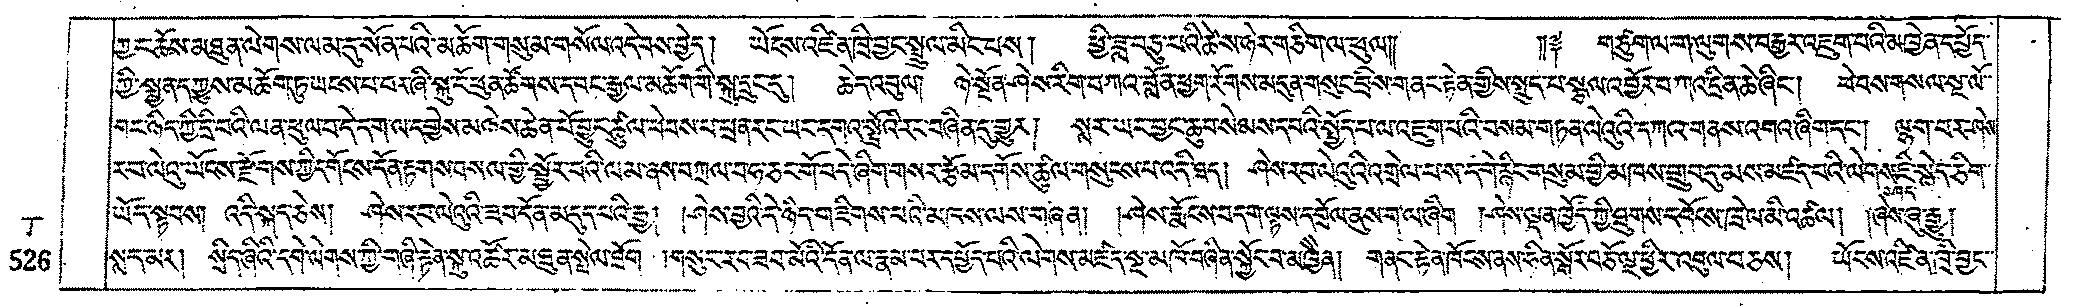ཀྱང་ཆོས་མཐུན་ལེགས་ལམ་དུ་སོན་པའི་མཆོག་གསུམ་གསོལ་འདེབས་བྱེད། ཡོངས་འཛིན་ཁྲི་བྱང་སྤྲུལ་མིང་པས། ཕྱི་ཟླ་བཅུ་པའི་ཚེས་ཉེར་གཅིག་ལ་ཕུལ།། །། འ་གཙུག་ལག་ལུགས་བརྒྱར་འཇུག་པའི་མཁྱེན་དཔྱོད་་་
ཀྱི་སྤྱན་དཀྱུས་མཆོག་ཏུ་ཡངས་པ་བར་ཞི་སྐུ་ངོ་ཕུན་ཚོགས་དབང་རྒྱལ་མཆོག་གི་སྐུ་དྲུང་དུ། ཆེད་འབུལ། ཉེ་སྔོན་ཤེས་རིག་བཀའ་བློན་ཕྱག་རོགས་མདུན་གསུང་བྲིས་གནང་རྟེན་གྱིས་སྤུད་པ་སྩལ་འབྱོར་བཀའ་དྲིན་ཆེ་ཞིང་། ཕེབས་གསལ་སྔ་ལོ་་་
གང་ཉིད་ཀྱི་དྲི་བའི་ལན་ཕུལ་བ་དེ་དག་ལ་དགྱེས་མཉེས་ཆེན་པོ་བྱུང་ཚུལ་ཕེབས་པ་ཕྲན་རང་ཡང་དགའ་སྤྲོའི་རང་བཞིན་དུ་གྱུར། སླར་ཡང་བྱང་ཆུབ་སེམས་དཔའི་སྤྱོད་པ་ལ་འཇུག་པའི་བསམ་གཏན་ལེའུའི་དཀའ་གནས་འགའ་ཞིག་དང་། ལྷག་པར་ཤེས་
རབ་ལེའུ་ཡོངས་རྫོགས་ཀྱི་དགོངས་དོན་རྟགས་བསལ་གྱི་སྦྱོར་བའི་ལམ་ནས་བཀྲལ་བ་ཧ་ཅང་གོ་བདེ་ཞིག་གསར་རྩོམ་དགོས་ཚུལ་གསུངས་པ་འདི་ཐད། ཤེས་རབ་ལེའུའི་འགྲེལ་པས་དགེ་རྙིང་གསུམ་གྱི་མཁས་གྲུབ་དུ་མས་མཛད་པའི་ལེགས་བཤད་ཇི་སྙེད་ཅིག་
ཡོད་སྟབས། འདི་སྐད་ཅེས། ཤེས་རབ་ལེའུའི་ཟབ་དོན་མདུད་པའི་རྒྱ། །ཤེས་བྱའི་དེ་ཉིད་གཟིགས་པའི་མཁས་ལས་གཞན། །ཤེས་རྨོངས་བདག་ལྟས་དགྲོལ་ནུས་ག་ལ་ཞིག །ཤེས་ལྡན་ཁྱོད་ཀྱི་ཐུགས་དགོངས་ཁྲེལ་མི་འཚལ། །ཞེས་ཞུ་རྒྱུ།
སླད་མར། སྲིད་ཞིའི་དགེ་ལེགས་ཀྱི་གཞི་རྟེན་སྐུ་འཚོར་མཐུན་སྤེལ་ཐོག །གསུང་རབ་ཟབ་མོའི་དོན་ལ་རྣམ་པར་དཔྱོད་པའི་ལེགས་མཛད་སྔ་མཁོ་བཞིན་སྐྱོང་བ་མཁྱཻཨེན། གནང་རྟེན་ཁོངས་ནས་ཧིན་སྒོར་བཅོ་ལྔ་ཕྱིར་འབུལ་བཅས། ཡོངས་འཛིན་ཁྲི་བྱང་་་